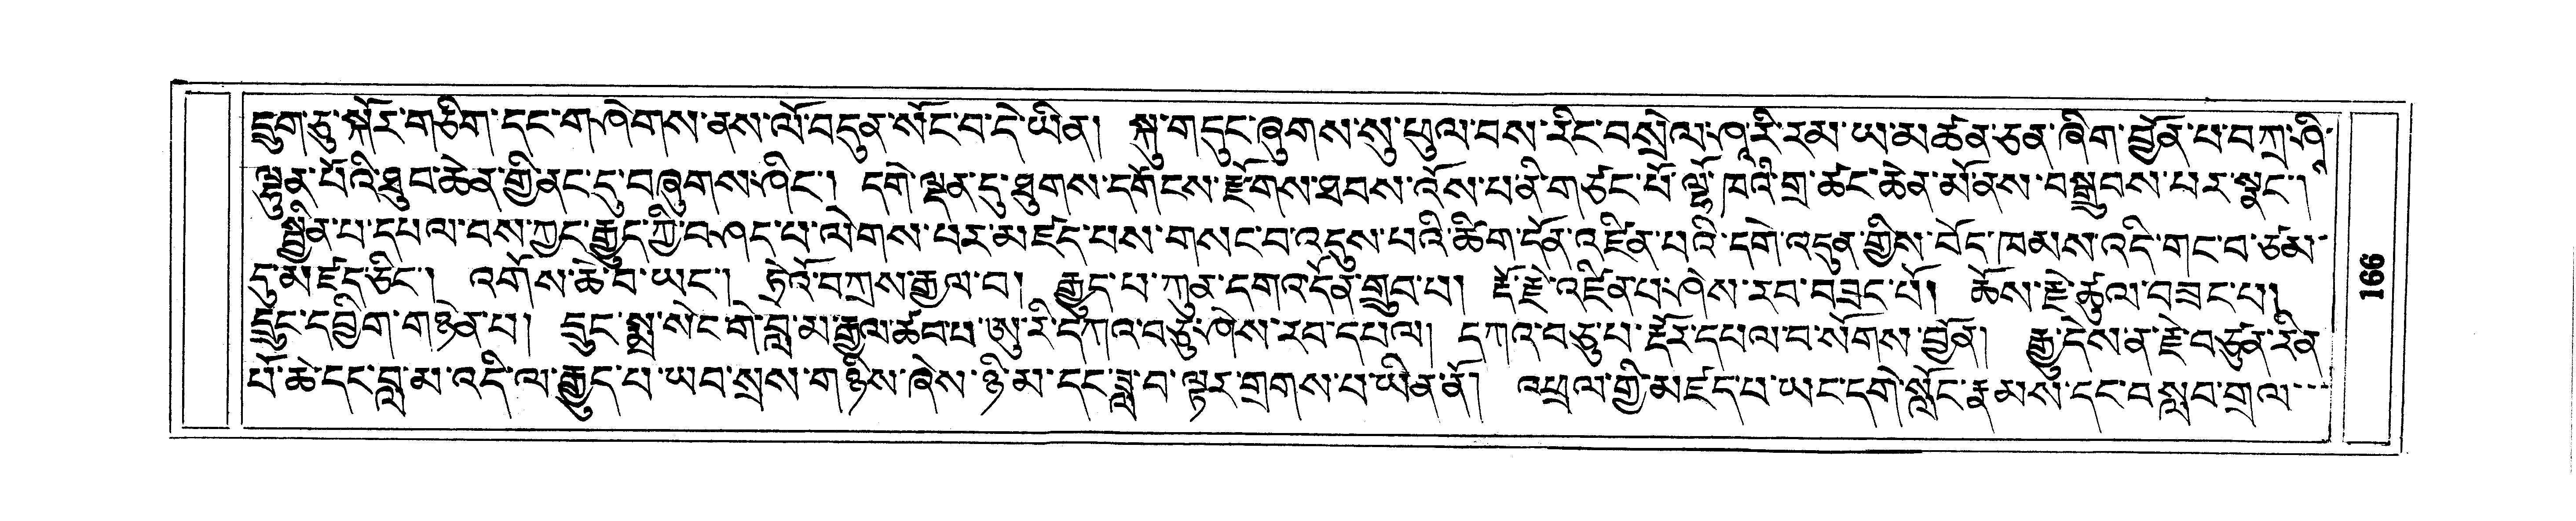དྲུག་ཅུ་སྐོར་གཅིག་དང་གཤེགས་ནས་ལོ་བདུན་སོང་བ་དེ་ཡིན། སྐུ་གདུང་ཞུགས་སུ་ཕུལ་བས་རིང་བསྲེལ་ཤཱ་རི་རམ་ཡ་མཚན་ཅན་ཞིག་བྱོན་པ་བཀྲ་ཤིས་
ལྷུན་པོའི་ཐུབ་ཆེན་གྱི་ནང་དུ་བཞུགས་ཤིང་། དགེ་ལྡན་དུ་ཐུགས་དགོངས་རྫོགས་ཐབས་འོས་པ་ནི་གཙང་པོ་ལྷོ་ཁའི་གྲ་ཚང་ཆེན་མོ་ནས་བསྒྲུབས་པར་སྣང་།
སྦྱིན་པ་དཔལ་བས་ཀྱང་རྒྱུད་ཀྱི་བཤད་པ་ལེགས་པར་མཛད་པས་གསང་བ་འདུས་པའི་ཚིག་དོན་འཛིན་པའི་དགེ་འདུན་གྱིས་བོད་ཁམས་འདི་གང་བ་ཙམ་
དུ་མཛད་ཅིང་། འགོས་ཆེ་བ་ཡང་། ཏེའོ་བཀྲས་རྒྱལ་བ། རྒྱུད་པ་ཀུན་དགའ་དོན་གྲུབ་པ། རྡོ་རྗེ་འཛིན་པ་ཤེས་རབ་བཟང་པོ། ཆོས་རྗེ་ཚུལ་བཟང་པ།
དྲུང་དབྱིག་གཉེན་པ། དྲུང་སྨྲ་སེང་གེ་བླ་མ་རྒྱུལ་ཚབ་པ་ཨུ་རི་དཀའ་བཅུ་ཤེས་རབ་དཔལ། དཀའ་བཅུ་པ་རྡོར་དཔལ་བ་སོགས་བྱོན། རྒྱུ་དེས་ན་རྗེ་བཙུན་རིན་
པོ་ཆེ་དང་བླ་མ་འདི་ལ་རྒྱུད་པ་ཡབ་སྲས་གཉིས་ཞེས་ཉི་མ་དང་ཟླ་བ་ལྟར་གྲགས་པ་ཡིན་ནོ། འཕྲལ་གྱི་མཛད་པ་ཡང་དགེ་སློང་རྣམས་དང་བསླབ་གྲལ་